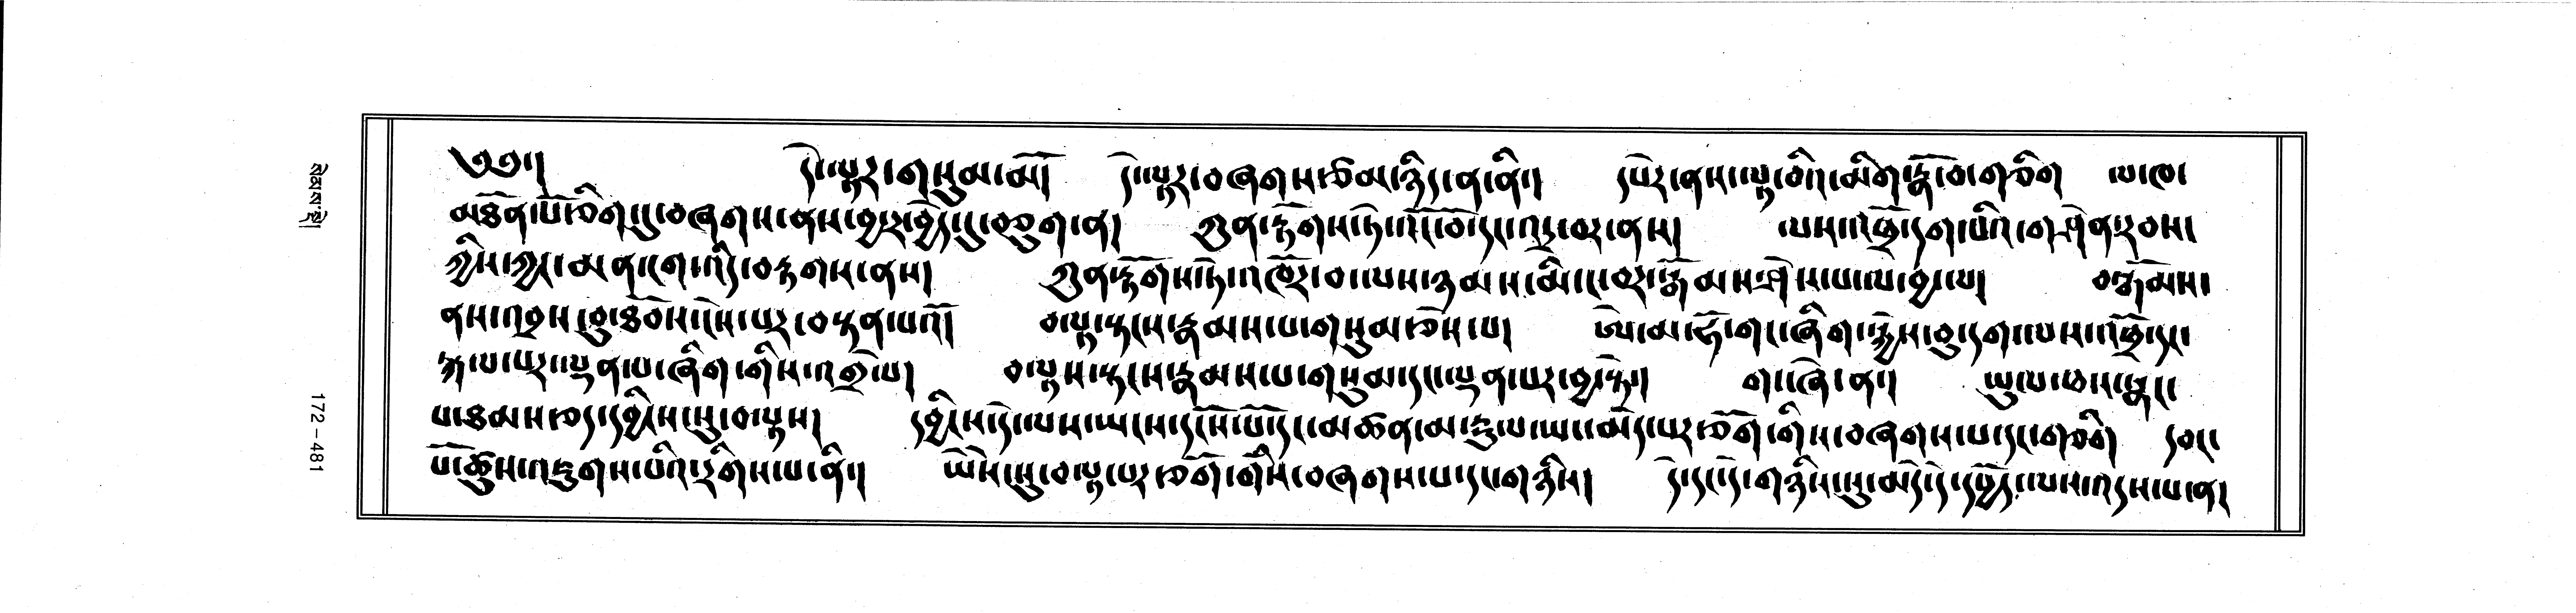དེ་ལྟར་གསུམ་མོ། དེ་ལྟར་བཞགས་ཙམ་ཉིད་ན་ནི། དཔེར་ནས་ལྟ་བའི་མིག་རྣོ་བ་གཅིག ལ་ཁ་
མཐོན་པོ་ཅིག་དུ་བཞགས་ནས་བྱ་ར་བྱེད་དུ་བཅུག་ན། ཀུན་རྟོགས་ཏེ་འོང་བ་དང་འདྲ་བར་ནས། ལས་འཕྲོ་དག་པའི་གཤེན་རབ་
ཀྱིས་ཀྱང་མན་ངག་འདི་བརྟགས་ནས། ཀུན་རྟོགས་ཏེ་འཁོར་བ་ལས་ཉམས་མི་མངའ་བར་སྒོམས་ཤེས་པ་བྱ་ལ། བསྒོམས་
ནས་འབྲས་བུ་ཐོབས་ངེས་པར་བསྟན་པའོ། བལྟ་སྟངས་རྣམ་པ་གསུམ་ཅེས་པ། ཨེ་མ་ཧོ་གང་ཞིག་སྐྱེས་བུ་དག་ལས་འཕྲོ་དང་
སྐལ་པར་ལྡན་པ་ཞིག་གིས་འགྲེལ། བལྟས་སྟངས་རྣམ་པ་གསུམ་དང་ལྡན་པར་བྱ་སྟེ། གང་ཞེ་ན། ཡུལ་ཕས་སྣང་
པ་ཐམས་ཅད་དབྱིངས་སུ་བལྟས། དབྱིངས་དེ་ལས་ཡང་དངོས་པོ་དང་མཚན་མ་རྡུལ་ཡང་མེད་པར་ཅོག་གིས་གཞགས་པ་དང་གཅིག དབང་
པོ་ཚུལ་འཇུགས་པའི་རིག་པ་ནི། ཡེ་ཤེས་སུ་བལྟ་པར་ཅོག་གིས་བཞགས་པ་དང་གཉིས། དེ་དང་དེ་གཉིས་སུ་མེད་དེ་དཔྱོད་ལས་འདས་པ་ན།